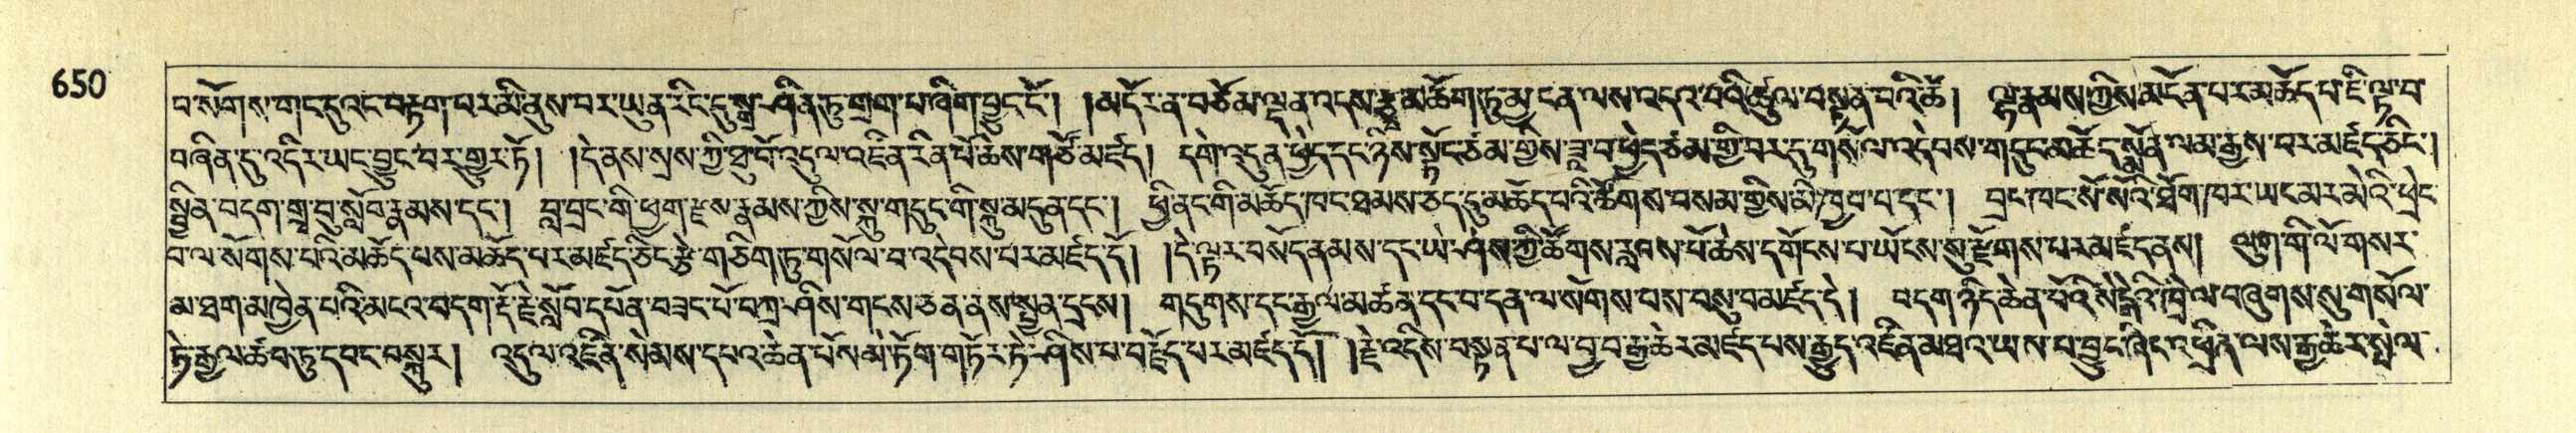བ་སོགས་གང་དུའང་བརྟག་པར་མི་ནུས་བར་ཡུན་རིང་དུ་སྒྲ་ཤིན་ཏུ་གྲག་པ་ཞིག་བྱུང་ངོ། །མདོར་ན་བཅོམ་ལྡན་འདས་རྩྭ་མཆོག་ཏུ་མྱ་ངན་ལས་འདའ་བའི་ཚུལ་བསྟན་པའི་ཚེ། ལྷ་རྣམས་ཀྱིས་མངོན་པར་མཆོད་པ་ཇི་ལྟ་བ་
བཞིན་དུ་འདིར་ཡང་བྱུང་བར་གྱུར་ཏོ། །དེ་ནས་སྲས་ཀྱི་ཐུ་བོ་འདུལ་འཛིན་རིན་པོ་ཆེས་གཙོ་མཛད། དགེ་འདུན་ཕྱེད་དང་ཉིས་སྟོང་ཙམ་གྱིས་ཟླ་བ་ཕྱེད་ཙམ་གྱི་བར་དུ་གསོལ་འདེབས་གདུང་མཆོད་སྨོན་ལམ་རྒྱས་བར་མཛད་ཅིང་།
སྦྱིན་བདག་གྲྭ་བུ་སློབ་རྣམས་དང་། བླ་བྲང་གི་ཕྱག་རྫས་རྣམས་ཀྱིས་སྐུ་གདུང་གི་སྐུ་མདུན་དང་། ཕྱི་ནང་གི་མཆོད་ཁང་ཐམས་ཅད་དུ་མཆོད་པའི་ཚོགས་བསམ་གྱིས་མི་ཁྱབ་པ་དང་། བྲང་ཁང་སོ་སོའི་ཐོག་ཁར་ཡང་མར་མེའི་ཕྲེང་
བ་ལ་སོགས་པའི་མཆོད་པས་མཆོད་པར་མཛད་ཅིང་རྩེ་གཅིག་ཏུ་གསོལ་བ་འདེབས་པར་མཛད་དོ། །དེ་ལྟར་བསོད་ནམས་དང་ཡེ་ཤེས་ཀྱི་ཚོགས་རླབས་པོ་ཆེས་དགོངས་པ་ཡོངས་སུ་རྫོགས་པར་མཛད་ནས། ལུག་གི་ལོ་གསར་
མ་ཐག་མཁྱེན་པའི་མངའ་བདག་རྡོ་རྗེ་སློབ་དཔོན་བཟང་པོ་བཀྲ་ཤིས་གངས་ཅན་ནས་སྤྱན་དྲངས། གདུགས་དང་རྒྱལ་མཚན་དང་བ་དན་ལ་སོགས་པས་བསུ་བ་མཛད་དེ། བདག་ཉིད་ཆེན་པོའི་སེངྒེའི་ཁྲིལ་བཞུགས་སུ་གསོལ་
ཏེ་རྒྱལ་ཚབ་ཏུ་དབང་བསྐུར། འདུལ་འཛིན་སེམས་དཔའ་ཆེན་པོས་མེ་ཏོག་གཏོར་ཏེ་ཤིས་པ་བརྗོད་པར་མཛད་དོ། །རྗེ་འདིས་བསྟན་པ་ལ་བྱ་བ་རྒྱ་ཆེར་མཛད་པས་རྒྱུད་འཛིན་མཐའ་ཡས་པ་བྱུང་ཞིང་འཕྲིན་ལས་རྒྱ་ཆེར་སྤེལ་